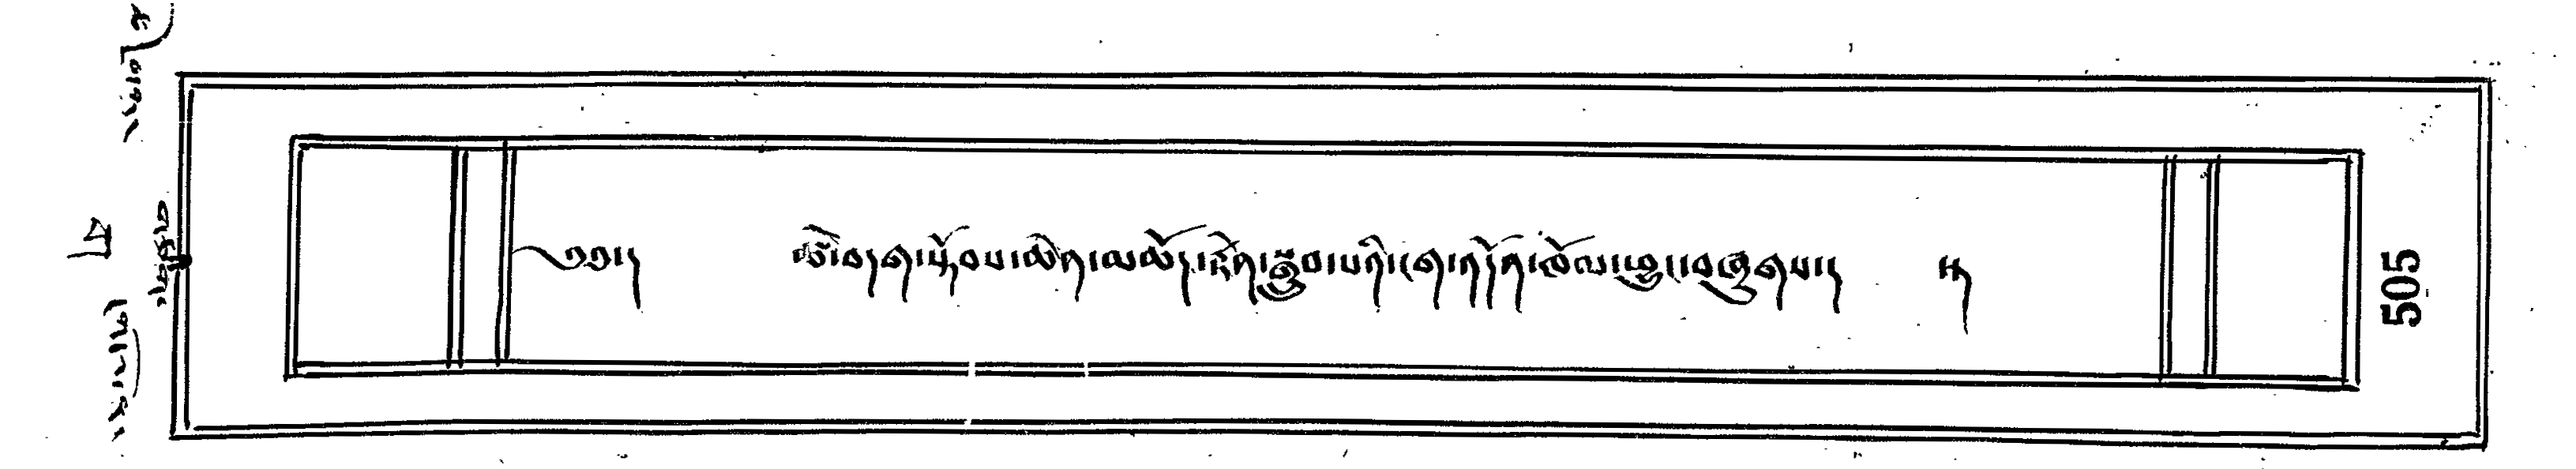༄༅། ཚེ་བདག་སྟོབས་ཆེན་མཆོད་རྟེན་སྒྲུབ་པའི་ངག་འདོན་ཁོལ་ཕྱུངས་བཞུགས།